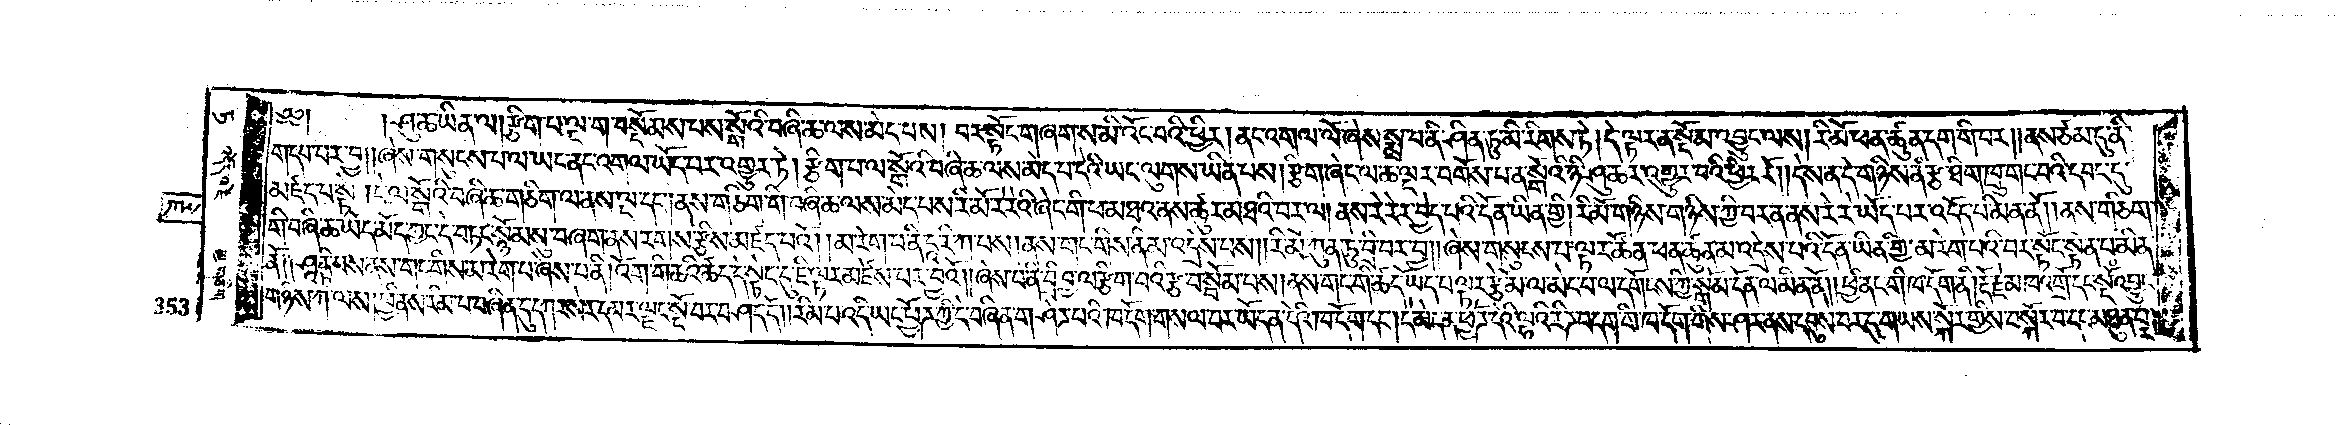༄༅། །ཤུ་ཆ་ཡིན་ལ། རྩིག་པ་ལྔ་ག་བསྡོམས་པས་སྒོའི་བཞི་ཆ་ལས་མེད་པས། བར་སྟོང་གཞག་ས་མི་འོང་བའི་ཕྱིར། ནང་འགལ་ལོ་ཞེས་སྨྲ་བ་ནི་ཤིན་ཏུ་མི་རིགས་ཏེ། དེ་ལྟར་ན་སྡོམ་འབྱུང་ལས། རི་མོ་ཕན་ཚུན་དག་གི་བར། །ནས་ཙམ་དུ་ནི་
གདབ་པར་བྱ། །ཞེས་གསུངས་པ་ལ་ཡང་ནང་འགལ་ཡོད་པར་འགྱུར་ཏེ། རྩིག་པ་ལ་སྒོའི་བཞི་ཆ་ལས་མེད་པ་དེའི་ཡང་ལུགས་ཡིན་པས། རྩིག་ཞེང་ལ་ཆ་ལྔར་བགོས་པ་ན་སྒོའི་ཉི་ཤུ་ཆར་འགྱུར་བའི་ཕྱིར་རོ། །དེས་ན་དེ་གཉིས་ནི་རྩ་ཐིག་ཁྲུ་གང་བའི་དབང་དུ་
མཛད་པ་སྟེ། དེ་ལ་སྒོའི་བཞི་ཆ་གཅིག་ལ་ནས་ལྔ་དང་། ནས་གཅིག་གི་བཞི་ཆ་ལས་མེད་པས་རི་མོ་རེ་རེའི་ཞེང་གི་ཕ་མཐའ་ནས་ཚུར་མཐའི་བར་ལ། ནས་རེ་རེར་བྱེད་པའི་དོན་ཡིན་གྱི། རི་མོ་གཉིས་གཉིས་ཀྱི་བར་ན་ནས་རེ་རེ་ཡོད་པར་འདོད་པ་མིན་ནོ། །ནས་གཅིག་
གི་བཞི་ཆ་ཡོད་མོད་ཀྱང་དེ་བཏང་སྙོམས་སུ་བཞག་ནས་རགས་རྩིས་མཛད་པའོ། །མ་རེག་པ་ནི་དཱ་རི་ཀ་པས། ནས་གང་གིས་ནི་མ་འདྲེས་པས། །རི་མོ་ཀུན་ཏུ་བྲི་བར་བྱ། །ཞེས་གསུངས་པ་ལྟར་ཚོན་ཕན་ཚུན་མ་འདྲེས་པའི་དོན་ཡིན་གྱི། མ་རེག་པའི་བར་སྟོང་སྟོན་པ་མིན་
ནོ། །ཤཱནྟི་པས་ནས་གང་གིས་མ་རེག་པ་ཞེས་པ་ནི། འོག་གི་ཆའི་ཚད་དེ་སྟེང་དུ་ཇི་ལྟར་མཛེས་པར་བྱའོ། །ཞེས་པ་ནི་བྲི་བྱ་ལ་རྩིག་པའི་རྩ་བ་སྦོམ་པས། ནས་གང་གི་ཚད་ཡོད་པ་ལྟར་རྩེ་མོ་ལ་མེད་པ་ལ་དགོངས་ཀྱི་སྒོམ་དོན་ལ་མིན་ནོ། །ཕྱི་ནང་གི་ཁ་དོག་ནི། རྡོ་རྗེ་མཁའ་འགྲོ་དང་སྡོམ་འབྱུང་
གཉིས་ཀ་ལས། ཕྱི་ནས་རིམ་པ་བཞིན་དུ་དཀར་སེར་དམར་ལྗང་སྔོ་བར་བཤད་དོ། །རིམ་པ་འདི་ཡང་ཕྱོགས་ཀྱི་དེ་བཞིན་གཤེགས་པའི་ཁ་དོག་གསལ་བར་ཡོད་ན་དེའི་ཁ་དོག་དང་། དེ་མེད་ན་ཕྱོགས་དེའི་ལྷའི་རིགས་བདག་གི་ཁ་དོག་གིས་ཤར་ནས་དབུས་བར་དུ་གཡས་སྐོར་གྱིས་བསྐོར་བ་དང་མཐུན་པར།